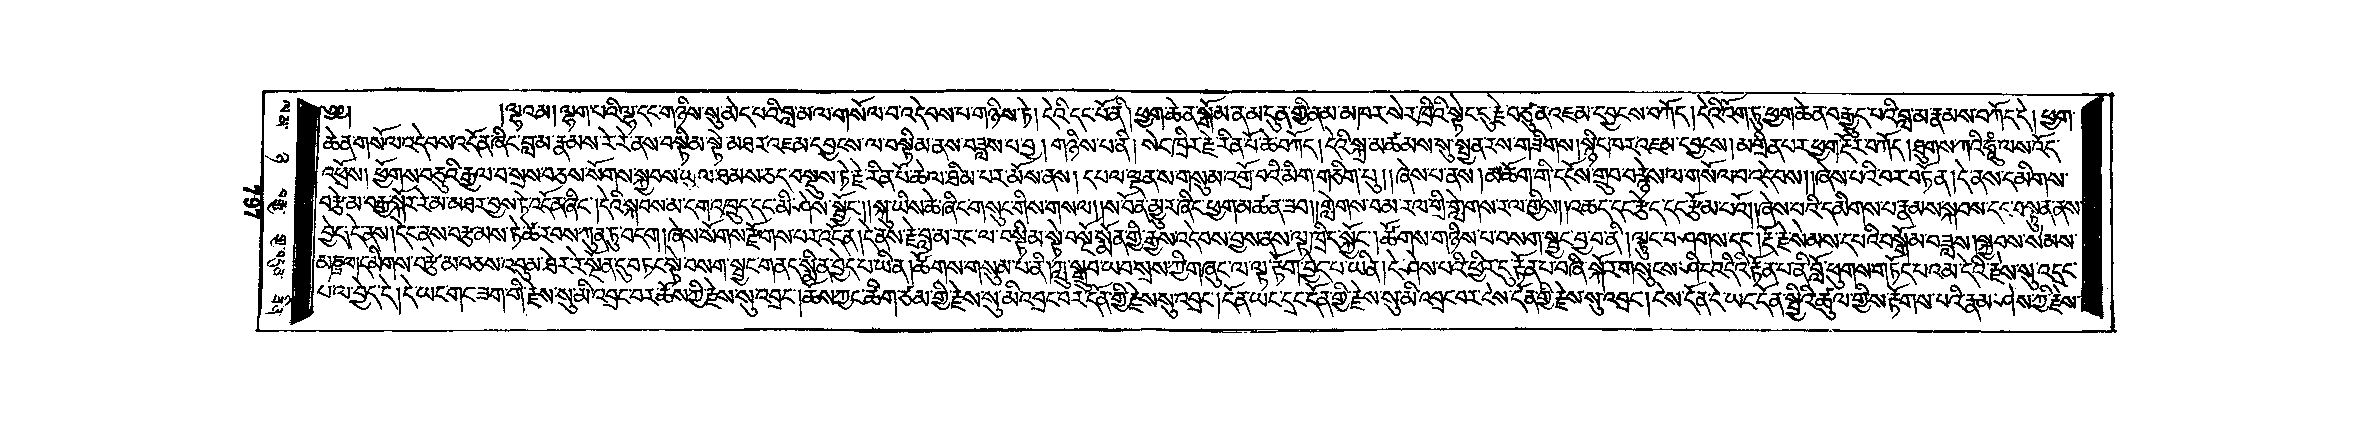༄༅། །ལྷའམ། ལྷག་པའི་ལྷ་དང་གཉིས་སུ་མེད་པའི་བླ་མ་ལ་གསོལ་བ་འདེབས་པ་གཉིས་ཏེ། དེའི་དང་པོ་ནི། ཕྱག་ཆེན་སྒོམ་ན་མདུན་གྱི་ནམ་མཁར་སེར་ཁྲིའི་སྟེང་དུ་རྗེ་བཙུན་འཇམ་དབྱངས་བཀོད། དེའི་འོག་ཏུ་ཕྱག་ཆེན་བརྒྱུད་པའི་བླ་མ་རྣམས་བཀོད་དེ། ཕྱག་
ཆེན་གསོལ་འདེབས་འདོན་ཞིང་བླ་མ་རྣམས་རེ་རེ་ནས་བསྟིམ་སྟེ་མཐར་འཇམ་དབྱངས་ལ་བསྟིམ་ནས་བཟླས་པ་བྱ། གཉིས་པ་ནི། སེང་ཁྲིར་རྗེ་རིན་པོ་ཆེ་བཀོད། དེའི་སྐྲ་མཚམས་སུ་སྤྱན་རས་གཟིགས། སྙིང་ཁར་འཇམ་དབྱངས། མགྲིན་པར་ཕྱག་རྡོར་བཀོད། ཐུགས་ཀའི་ཧཱུཾ་ལས་འོད་
འཕྲོས། ཕྱོགས་བཅུའི་རྒྱལ་བ་སྲས་བཅས་སོགས་སྐྱབས་ཡུལ་ཐམས་ཅད་བསྡུས་ཏེ་རྗེ་རིན་པོ་ཆེ་ལ་ཐིམ་པར་མོས་ནས། དཔལ་ལྡན་ས་གསུམ་འགྲོ་བའི་མིག་གཅིག་པུ། །ཞེས་པ་ནས། མཆོག་གི་དངོས་གྲུབ་བརྙེས་ལ་གསོལ་བ་འདེབས། །ཞེས་པའི་བར་བཏོན། དེ་ནས་དམིགས་
བརྩེ་མ་བརྒྱ་སྐོར་རེ་མ་མཐར་བྱས་ཏེ་འདོན་ཞིང་། དེའི་སྐབས་མ་དག་འཁྲུད་དང་མི་ཤེས་སྦྱོང་། །སྐུ་ཡིས་ཆེ་ཞིང་གསུང་གིས་གསལ། །ས་བོན་མྱུར་ཞིང་ཕྱག་མཚན་ཟབ། །གླེགས་བམ་རལ་གྲི་གླེགས་རལ་གྱིས། །འཆད་དང་རྩེད་དང་རྩོམ་པའོ། །ཞེས་པའི་དམིགས་པ་རྣམས་སྐབས་དང་བསྟུན་ནས་
བྱེད། དེ་ནས། དེང་ནས་བརྩམས་ཏེ་ཚེ་རབས་ཀུན་ཏུ་བདག །ཞེས་སོགས་རྫོགས་པར་འདོན། དེ་ནས་རྗེ་བླ་མ་རང་ལ་བསྟིམ་སྟེ་བསྔོ་སྨོན་གྱི་རྒྱས་འདེབས་བྱས་ནས་ལྟ་ཁྲིད་སྐྱོང་། ཚོགས་གཉིས་པ་བསག་སྦྱང་བྱ་བ་ནི། ལྟུང་བཤགས་དང་། རྡོ་རྗེ་སེམས་དཔའི་བསྒོམ་བཟླས། སྐྱབས་སེམས་
མཎྜལ། དམིགས་བརྩེ་མ་བཅས་འབུམ་ཐེར་རེ་སྔོན་དུ་བཏང་སྟེ་བསག་སྦྱང་གནད་སྨིན་བྱེད་པ་ཡིན། ཚོགས་གསུམ་པ་ནི། ཀླུ་སྒྲུབ་ཡབ་སྲས་ཀྱི་གཞུང་ལ་ལྟ་རྟོག་བྱེད་པ་ཡིན། དེ་ཤེས་པའི་ཕྱིར་དུ་རྟོན་པ་བཞི་སྐོར་གསུངས་ཤིང་འདིའི་རྟོན་པ་ནི་བློ་ཕུགས་གཏོད་པའམ་དེའི་རྗེས་སུ་འདྲང་
པ་ལ་བྱེད་དེ། དེ་ཡང་གང་ཟག་གི་རྗེས་སུ་མི་འབྲང་བར་ཆོས་ཀྱི་རྗེས་སུ་འབྲང་། ཆོས་ཀྱང་ཚིག་ཙམ་གྱི་རྗེས་སུ་མི་འབྲང་བར་དོན་གྱི་རྗེས་སུ་འབྲང་། དོན་ཡང་དྲང་དོན་གྱི་རྗེས་སུ་མི་འབྲང་བར་ངེས་དོན་གྱི་རྗེས་སུ་འབྲང་། ངེས་དོན་དེ་ཡང་དོན་སྤྱིའི་ཚུལ་གྱིས་རྟོགས་པའི་རྣམ་ཤེས་ཀྱི་རྗེས་